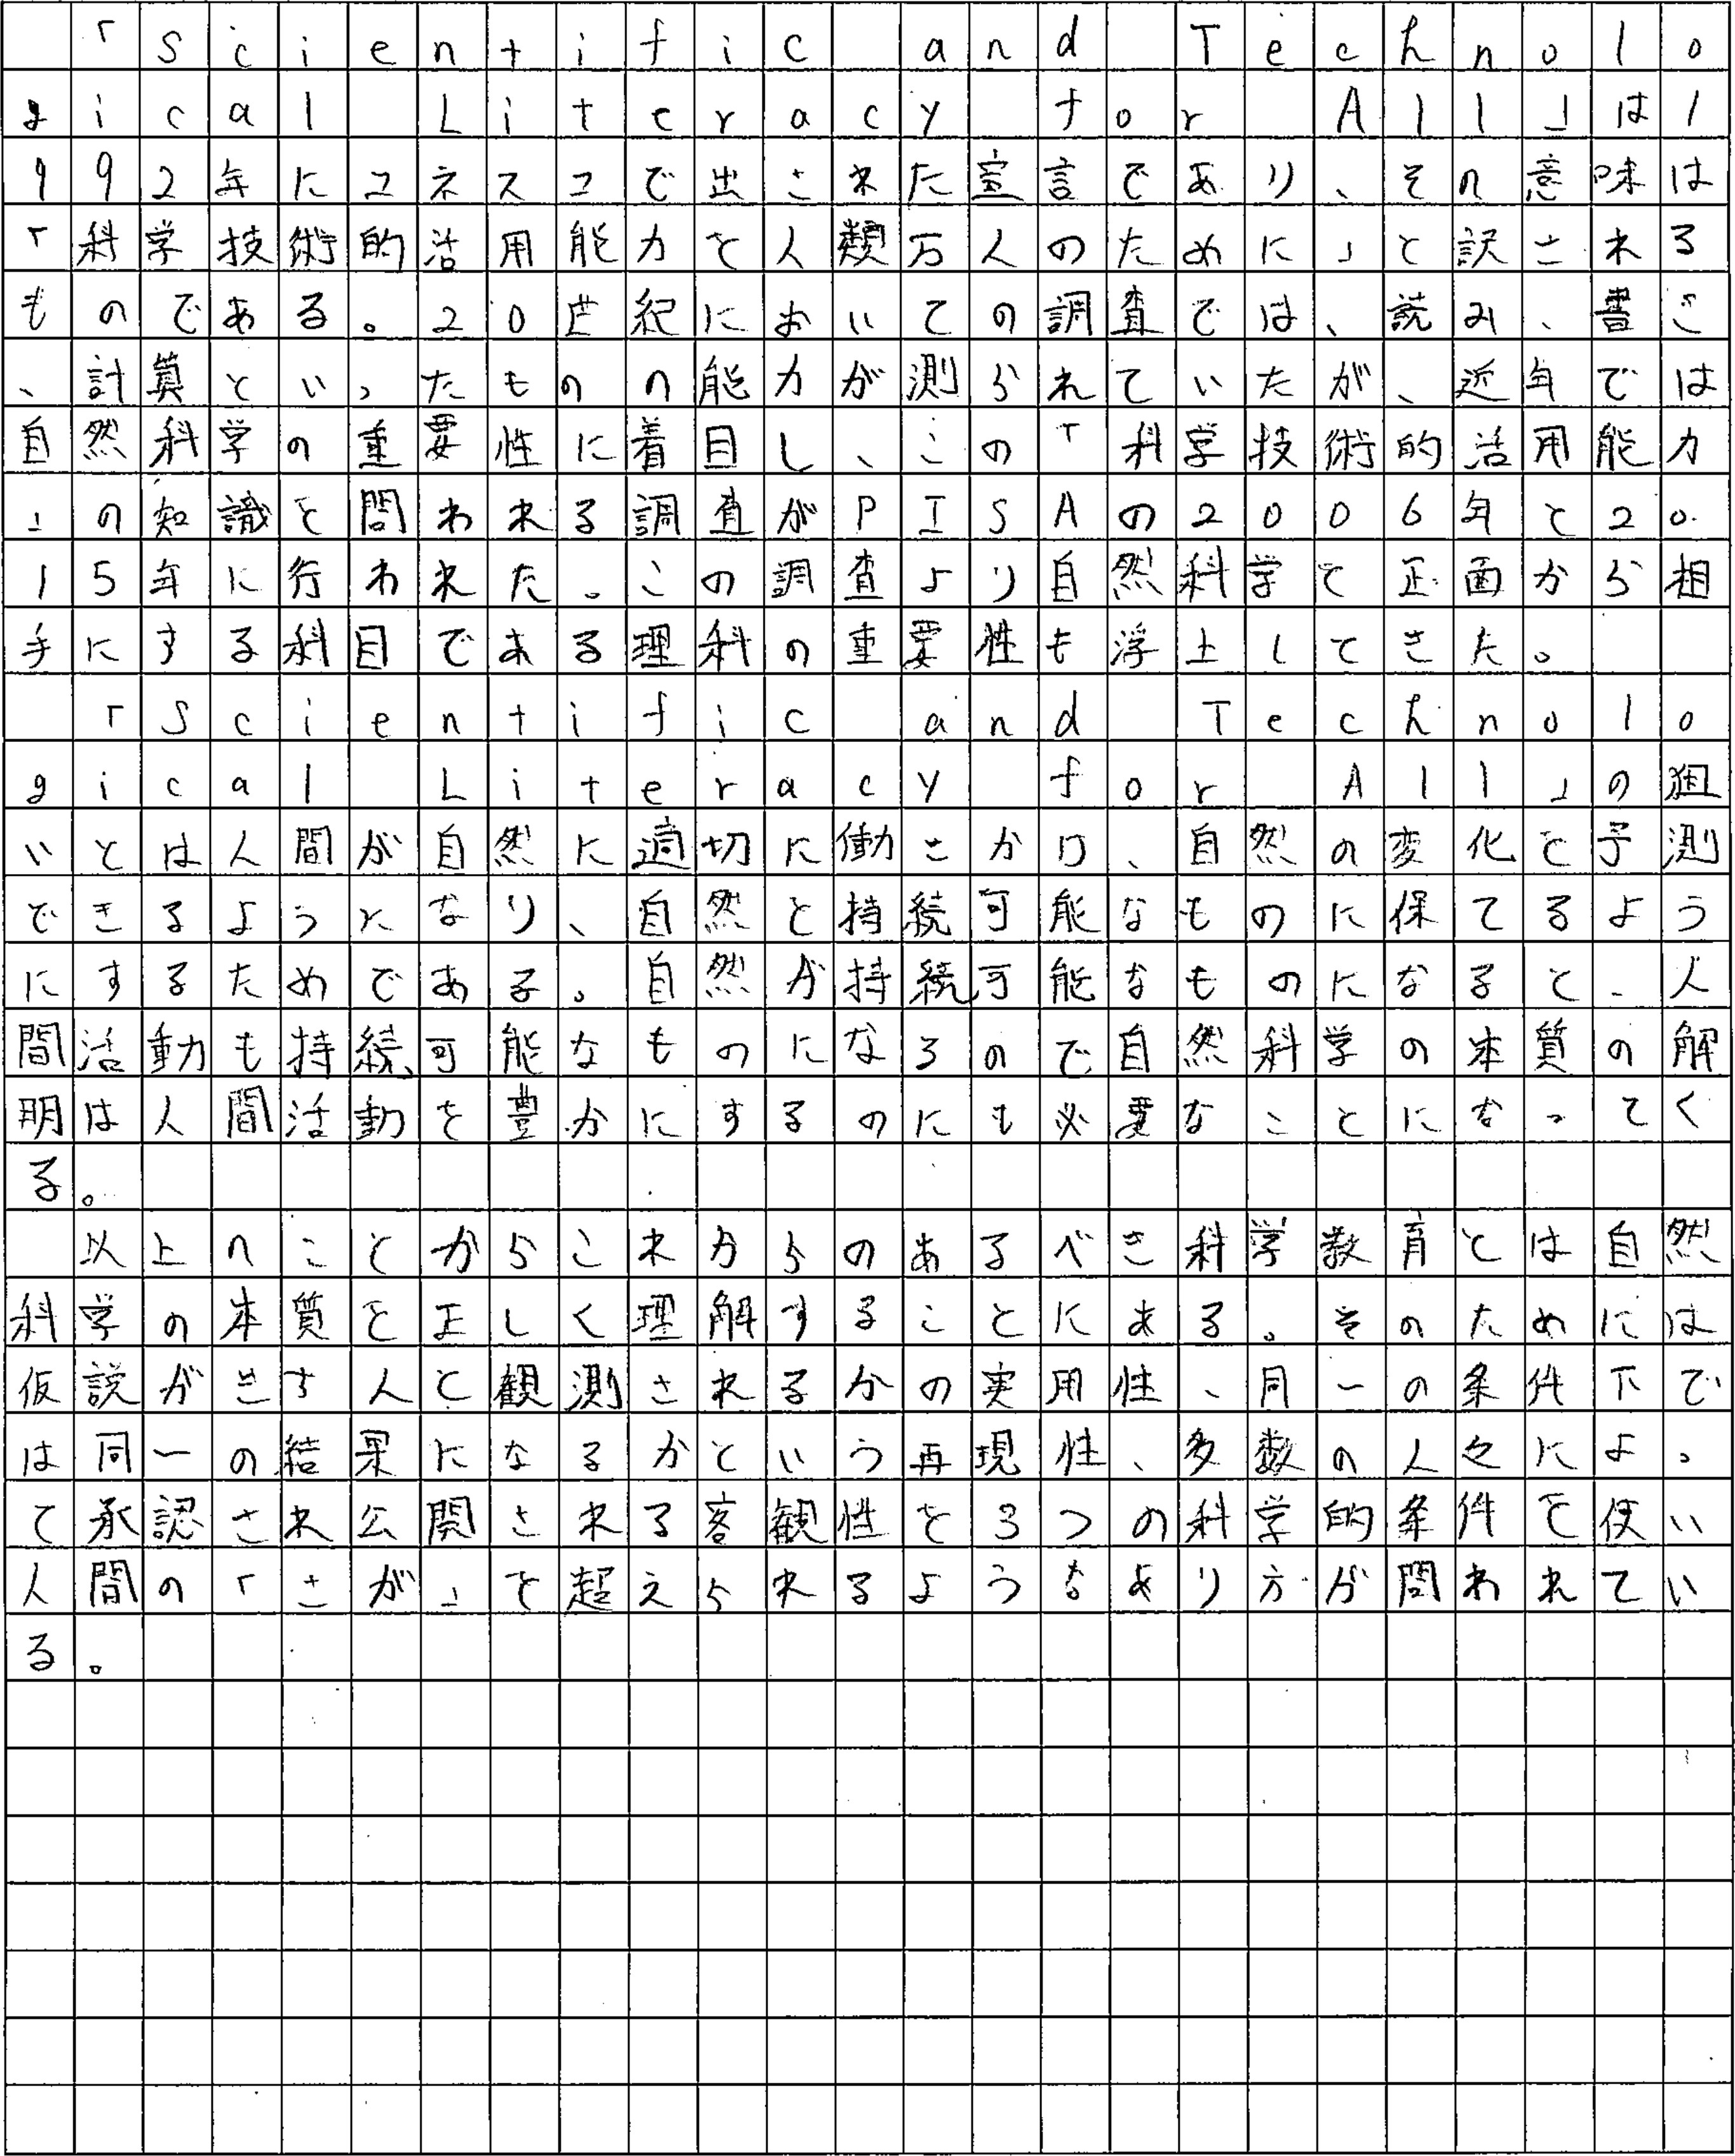　「Ｓｃｉｅｎｔｉｆｉｃ　ａｎｄ　Ｔｈｅｃｈｎｏｌｏｇｉｃａｌ　Ｌｉｔｅｒａｃｙ　ｆｏｒ　Ａｌｌ」は１９９２年にユネスコで出された宣言であり、その意味は「科学技術的活用能力を人類万人のために」と訳されるものである。２０世紀においての調査では、読み、書き、計算といったものの能力が測られていたが、近年では自然科学の重要性に着目し、この「科学技術的活用能力」の知識を問われる調査がＰＩＳＡの２００６年と２０１５年に行われた。この調査より自然科学と正面から相手にする科目である理科の重要性も浮上してきた。
　「Ｓｃｉｅｎｔｉｆｉｃ　ａｎｄ　Ｔｈｅｃｈｎｏｌｏｇｉｃａｌ　Ｌｉｔｅｒａｃｙ　ｆｏｒ　Ａｌｌ」の狙いとは人間が自然に適切に働きかけ、自然の変化を予測できるようになり、自然と持続可能なものに保てるようにするためである。自然が持続可能なものになると、人間活動も持続可能なものになるので自然科学の本質の解明は人間活動を豊かにするのにも必要なことになってくる。
　以上のことからこれからのあるべき科学教育とは自然科学の本質を正しく理解することにある。そのためには仮説がきちんと観測されるかの実用性、同一の条件下では同一の結果になるかという再現性、多数の人々によって承認され公開される客観性を３つの科学的条件を使い人間の「さが」を超えられるようなあり方が問われている。
